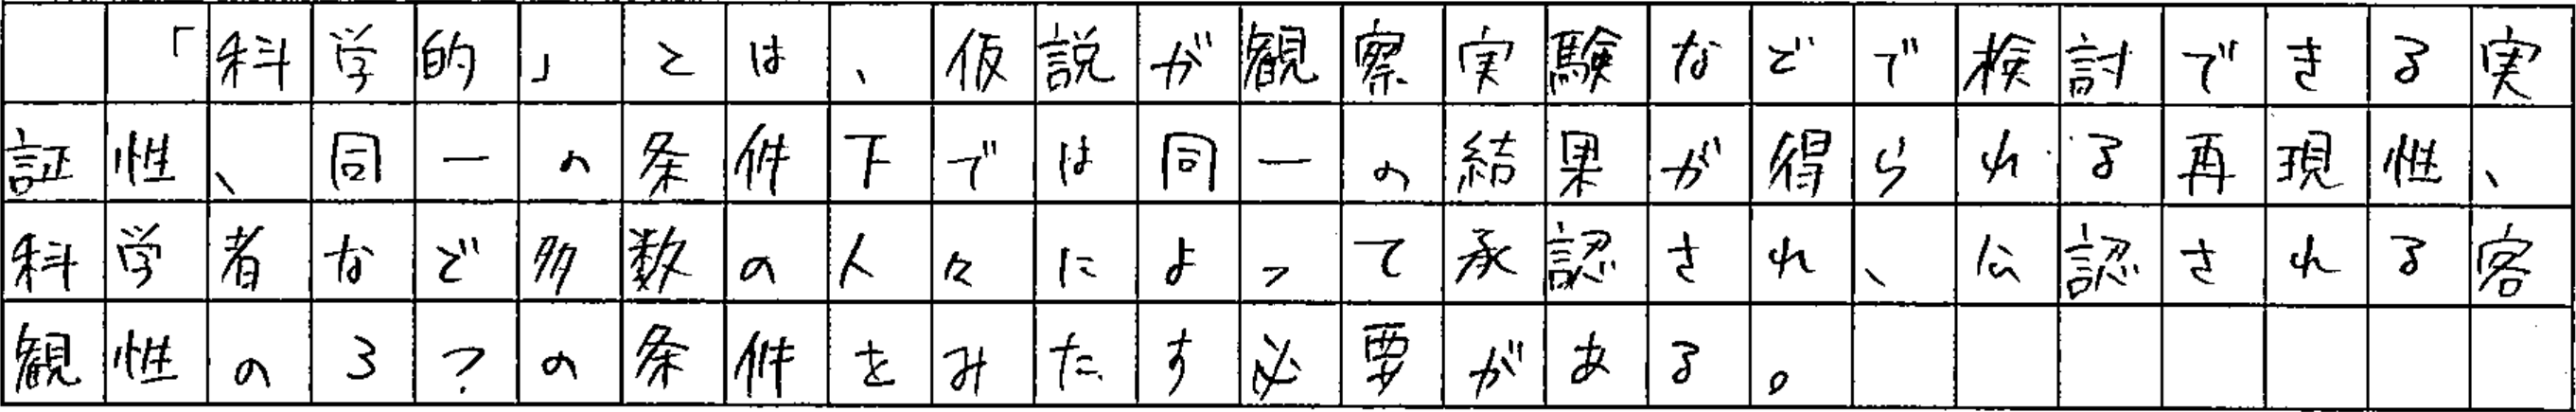　「科学的」とは、仮説が観察実験などで検討できる実証性、同一の条件下では同一の結果が得られる再現性、科学者など多数の人々によって承認され、公認される客観性の３つの条件をみたす必要がある。
